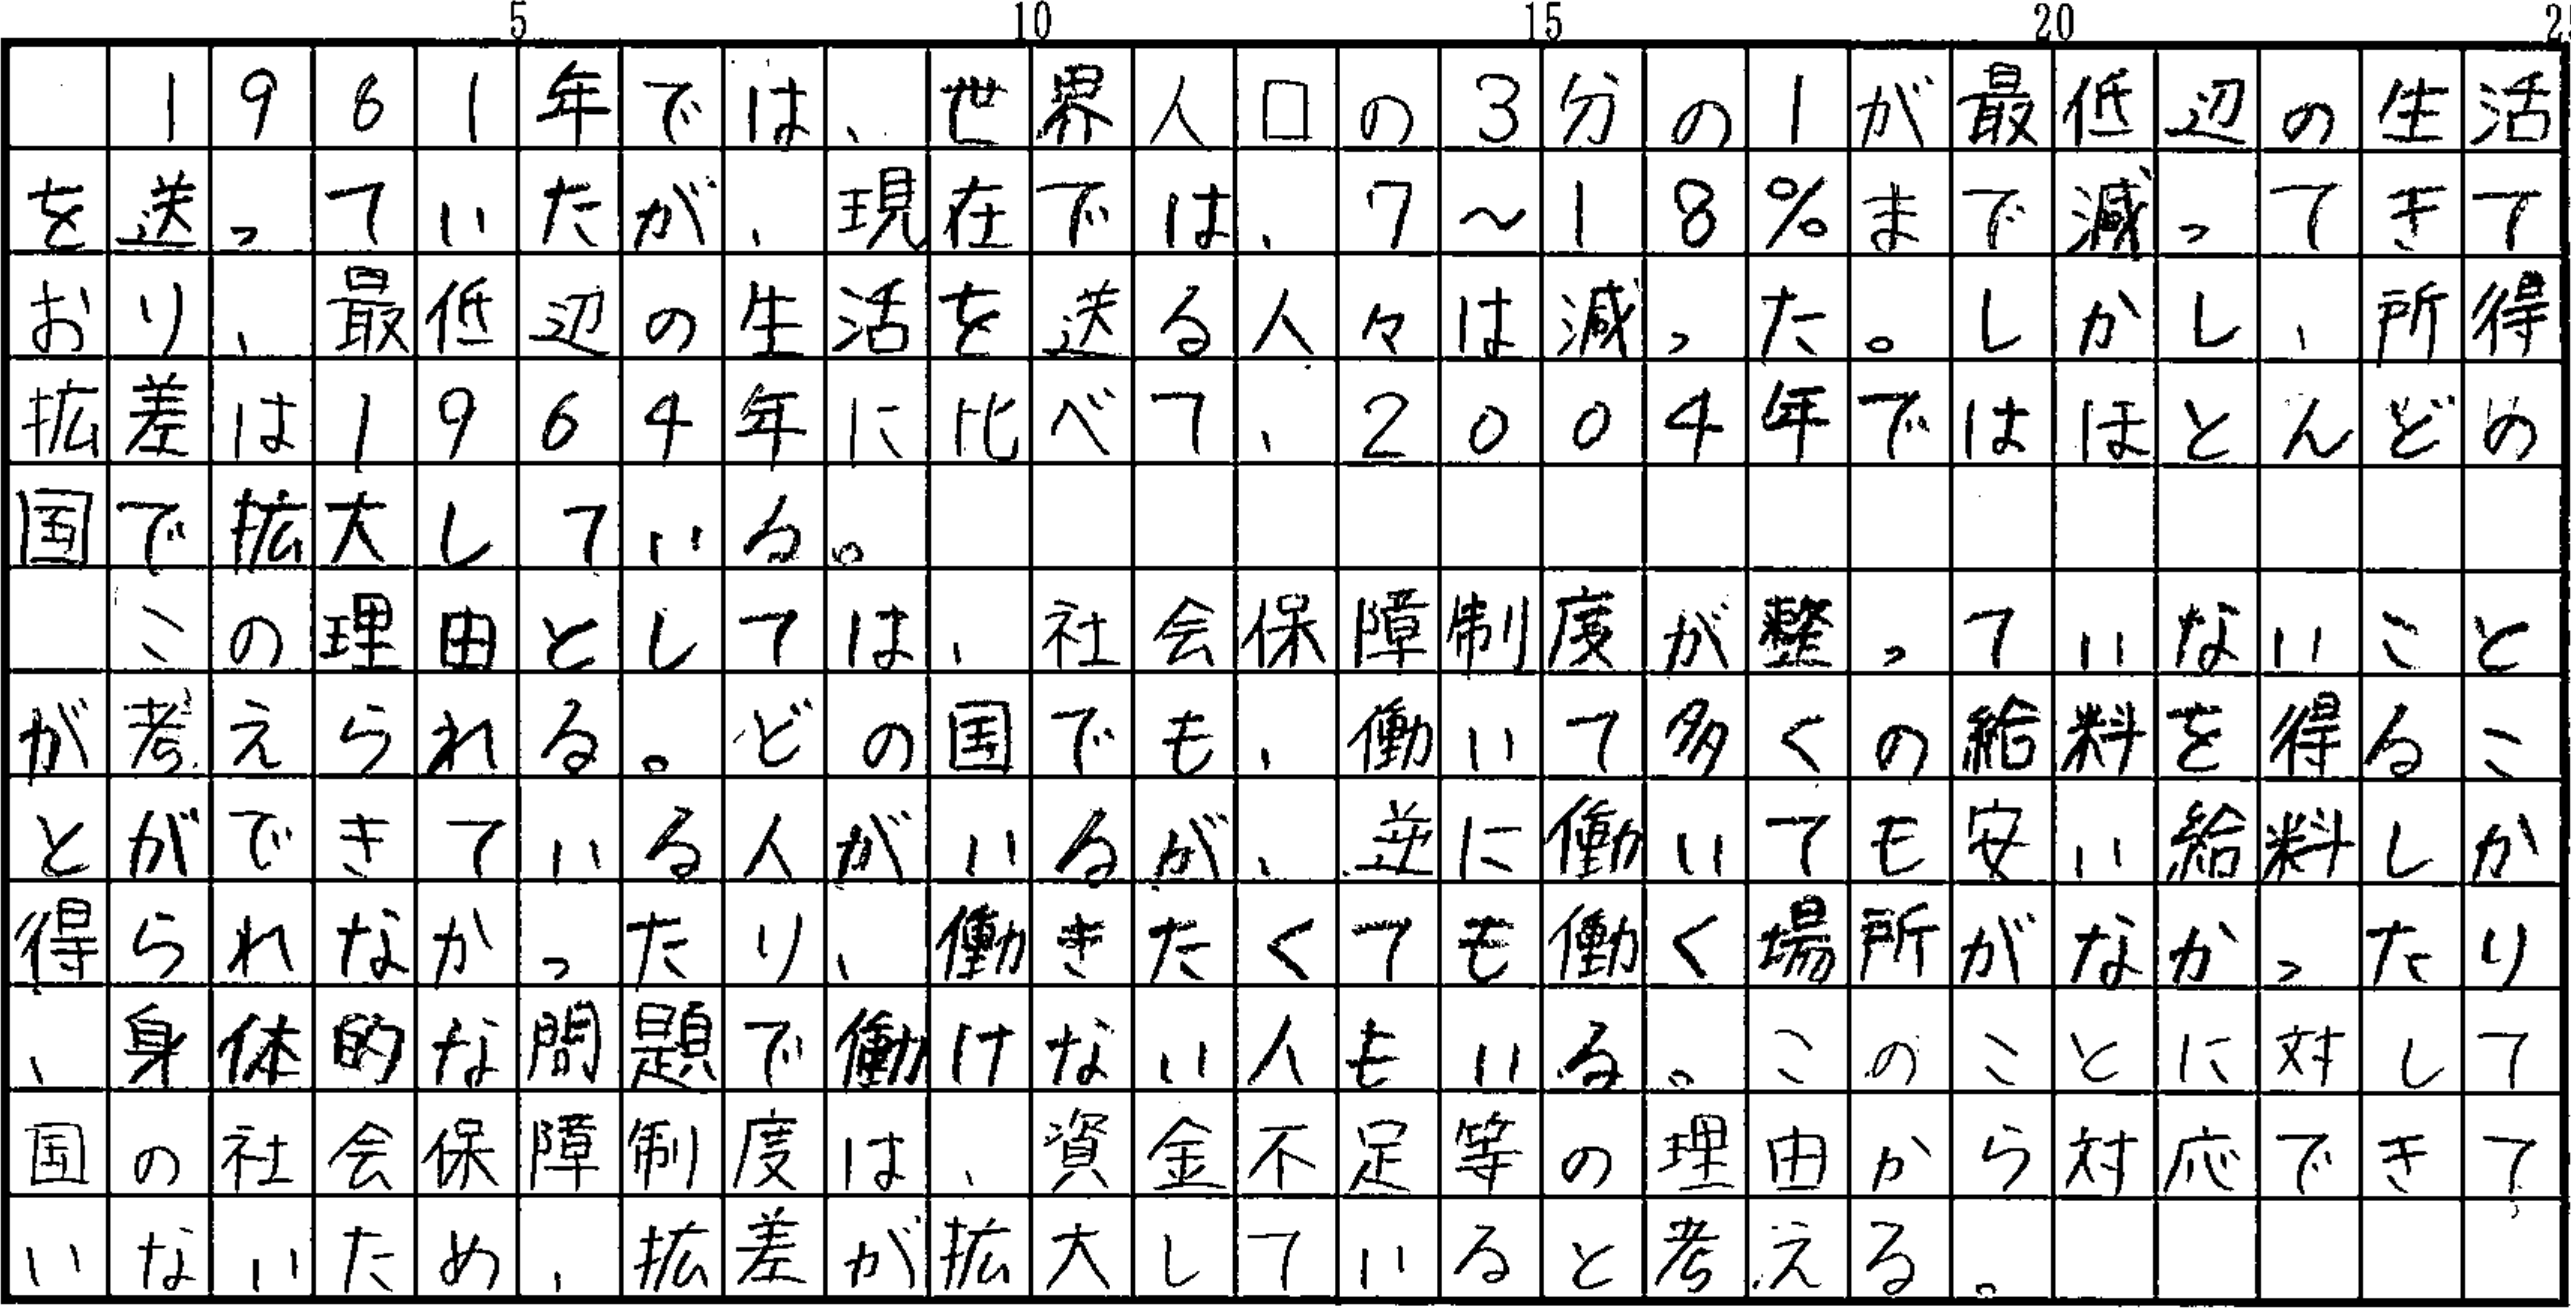　１９６１年では、世界人口の３分の１が最低辺の生活を送っていたが、現在では、７～１８％まで減ってきており、最低辺の生活を送る人々は減った。しかし、所得格差は１９６４年に比べて、２００４年ではほとんどの国で拡大している。
　この理由としては、社会保障制度が整っていないことが考えられる。どの国でも、働いて多くの給料を得ることができている人がいるが、逆に働いても安い給料しか得られなかったり、働きたくても働く場所がなかったり、身体的な問題で働けない人もいる。このことに対して国の社会保障制度は、資金不足等の理由から対応できていないため、格差が拡大していると考える。
